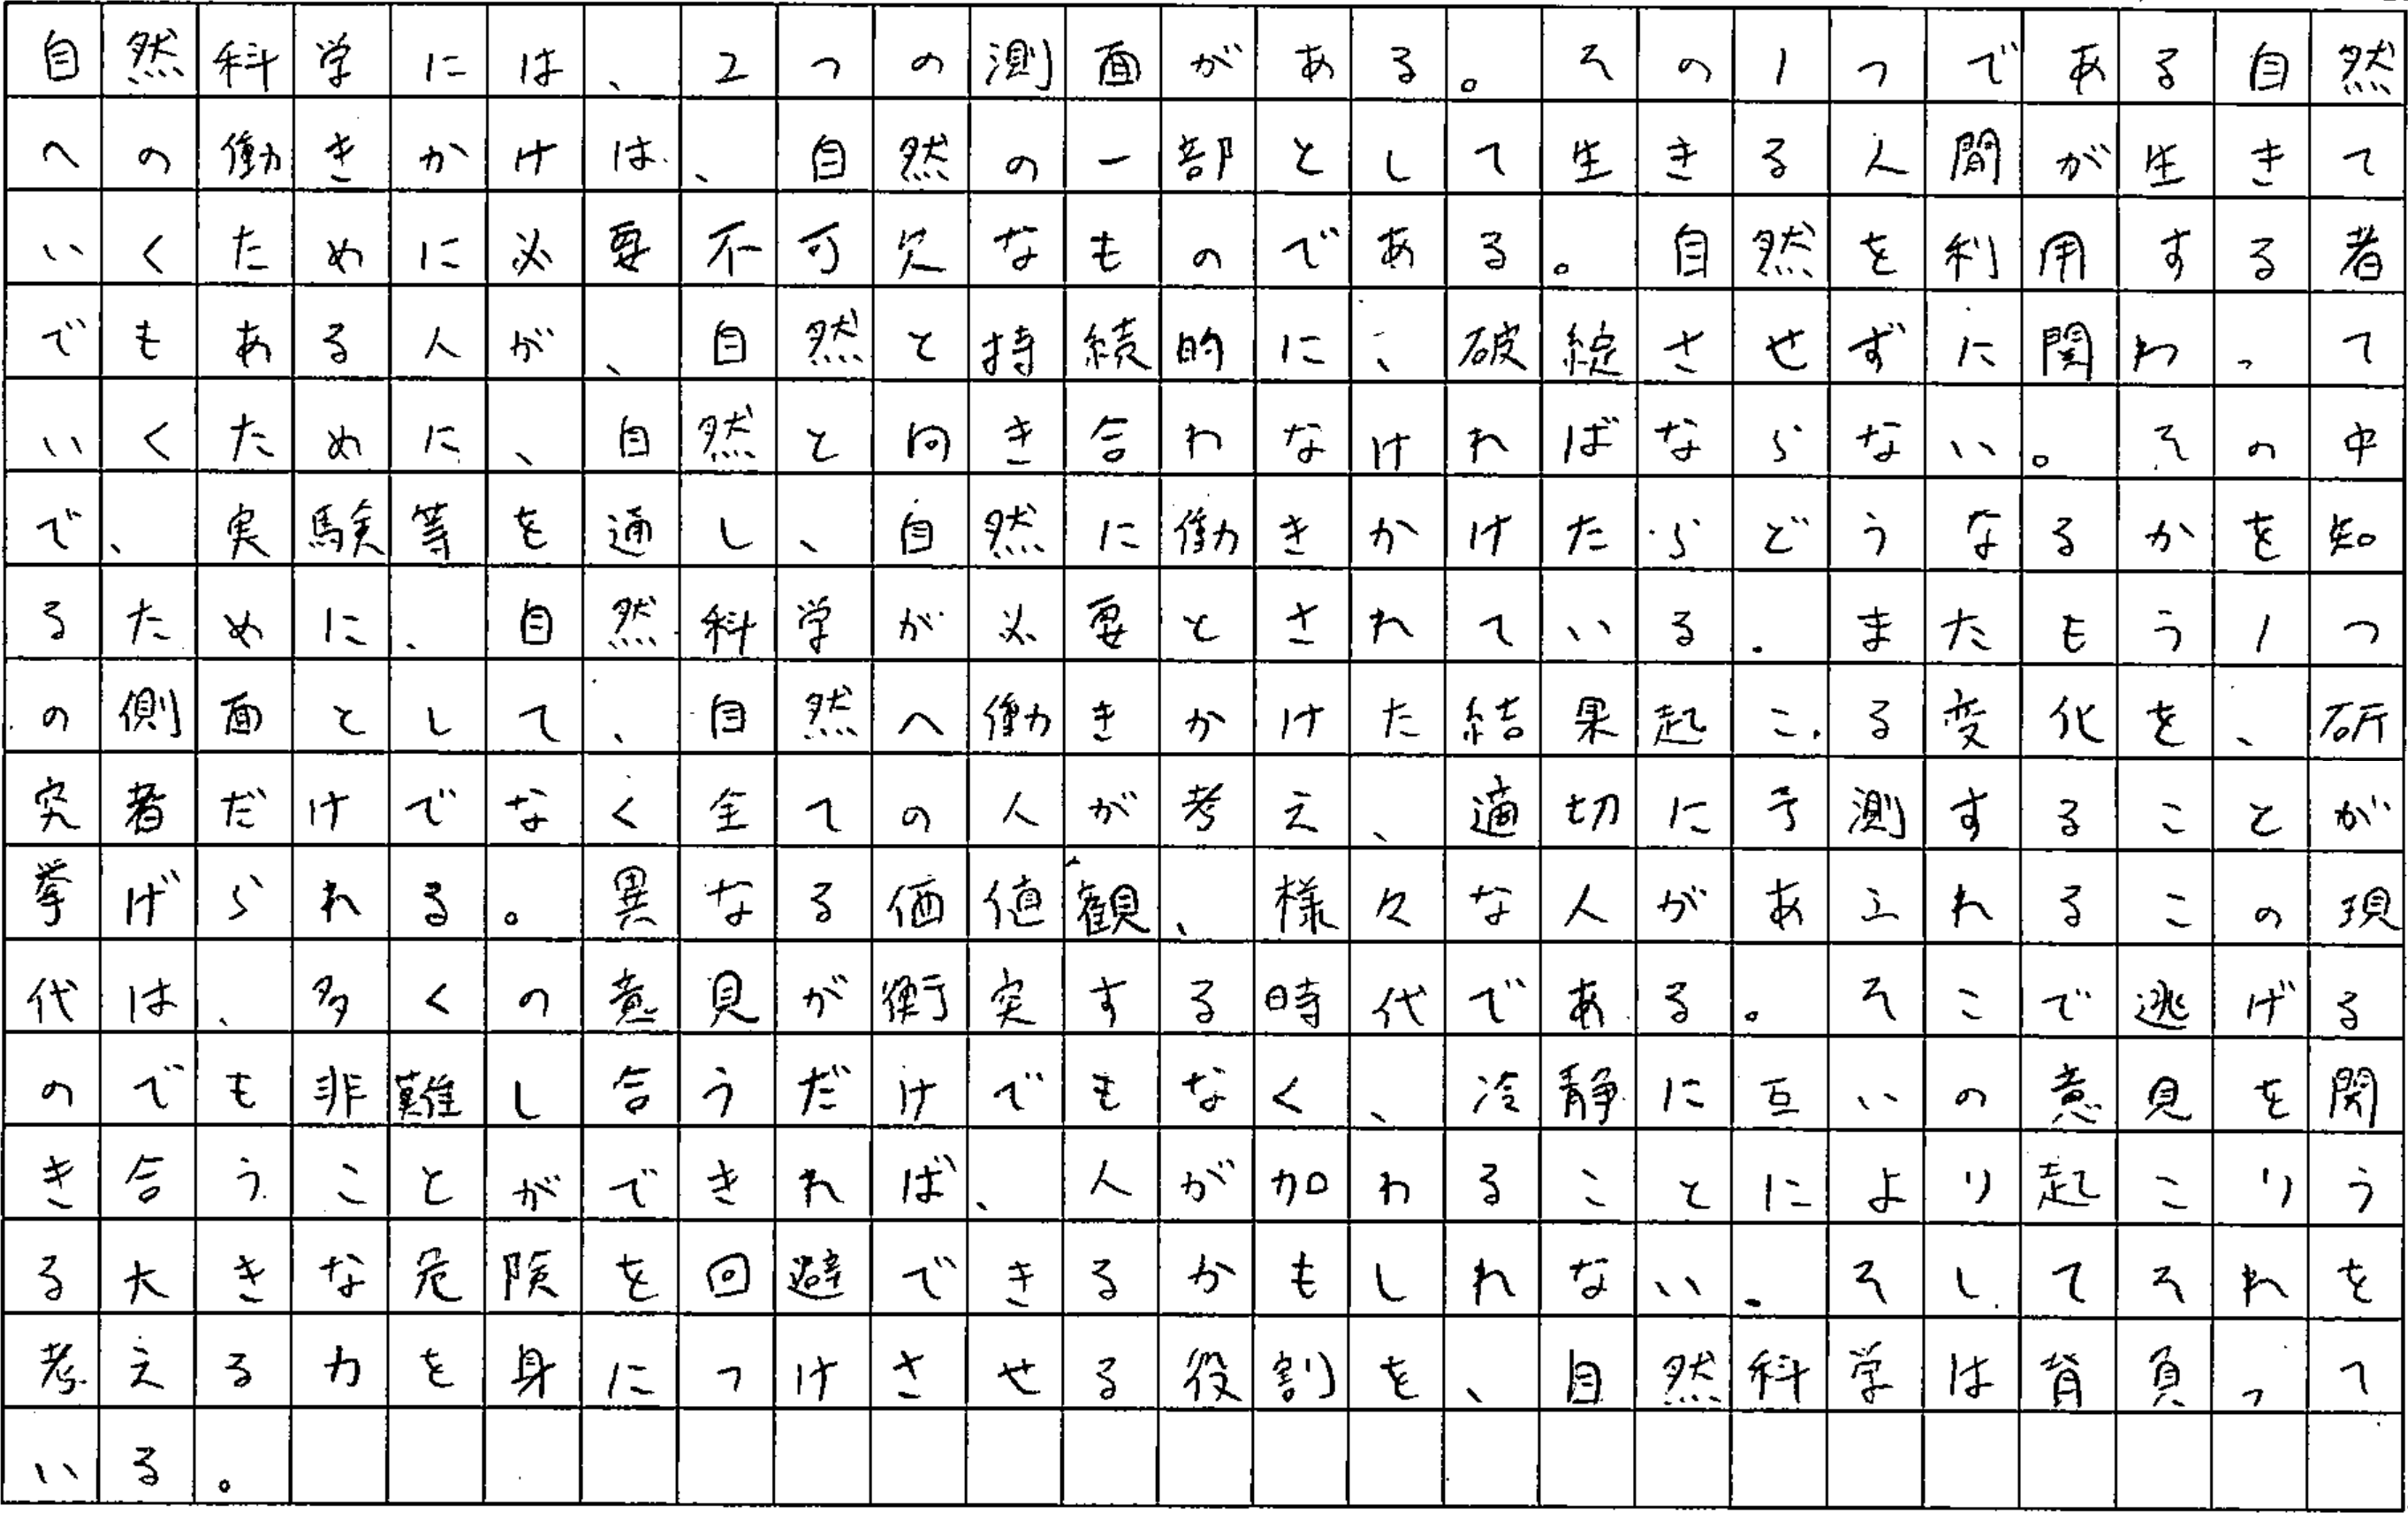自然科学には、２つの測面がある。その１つである自然への働きかけは、自然の一部として生きる人間が生きていくために必要不可欠なものである。自然を利用する者でもある人が、自然と持続的に、破綻させずに関わっていくために、自然と向き合わなければならない。その中で、実験等を通し、自然に働きかけたらどうなるかを知るために、自然科学が必要とされている。またもう１つの側面として、自然へ働きかけた結果起こる変化を、研究者だけでなく全ての人が考え、適切に予測することが挙げられる。異なる価値観、様々な人があふれるこの現代は、多くの意見が衡突する時代である。そこで逃げるのでも非難し合うだけでもなく、冷静に互いの意見を聞き合うことができれば、人が加わることにより起こりうる大きな危険を回避できるかもしれない。そしてそれを考える力を身につけさせる役割を、自然科学は背負っている。
